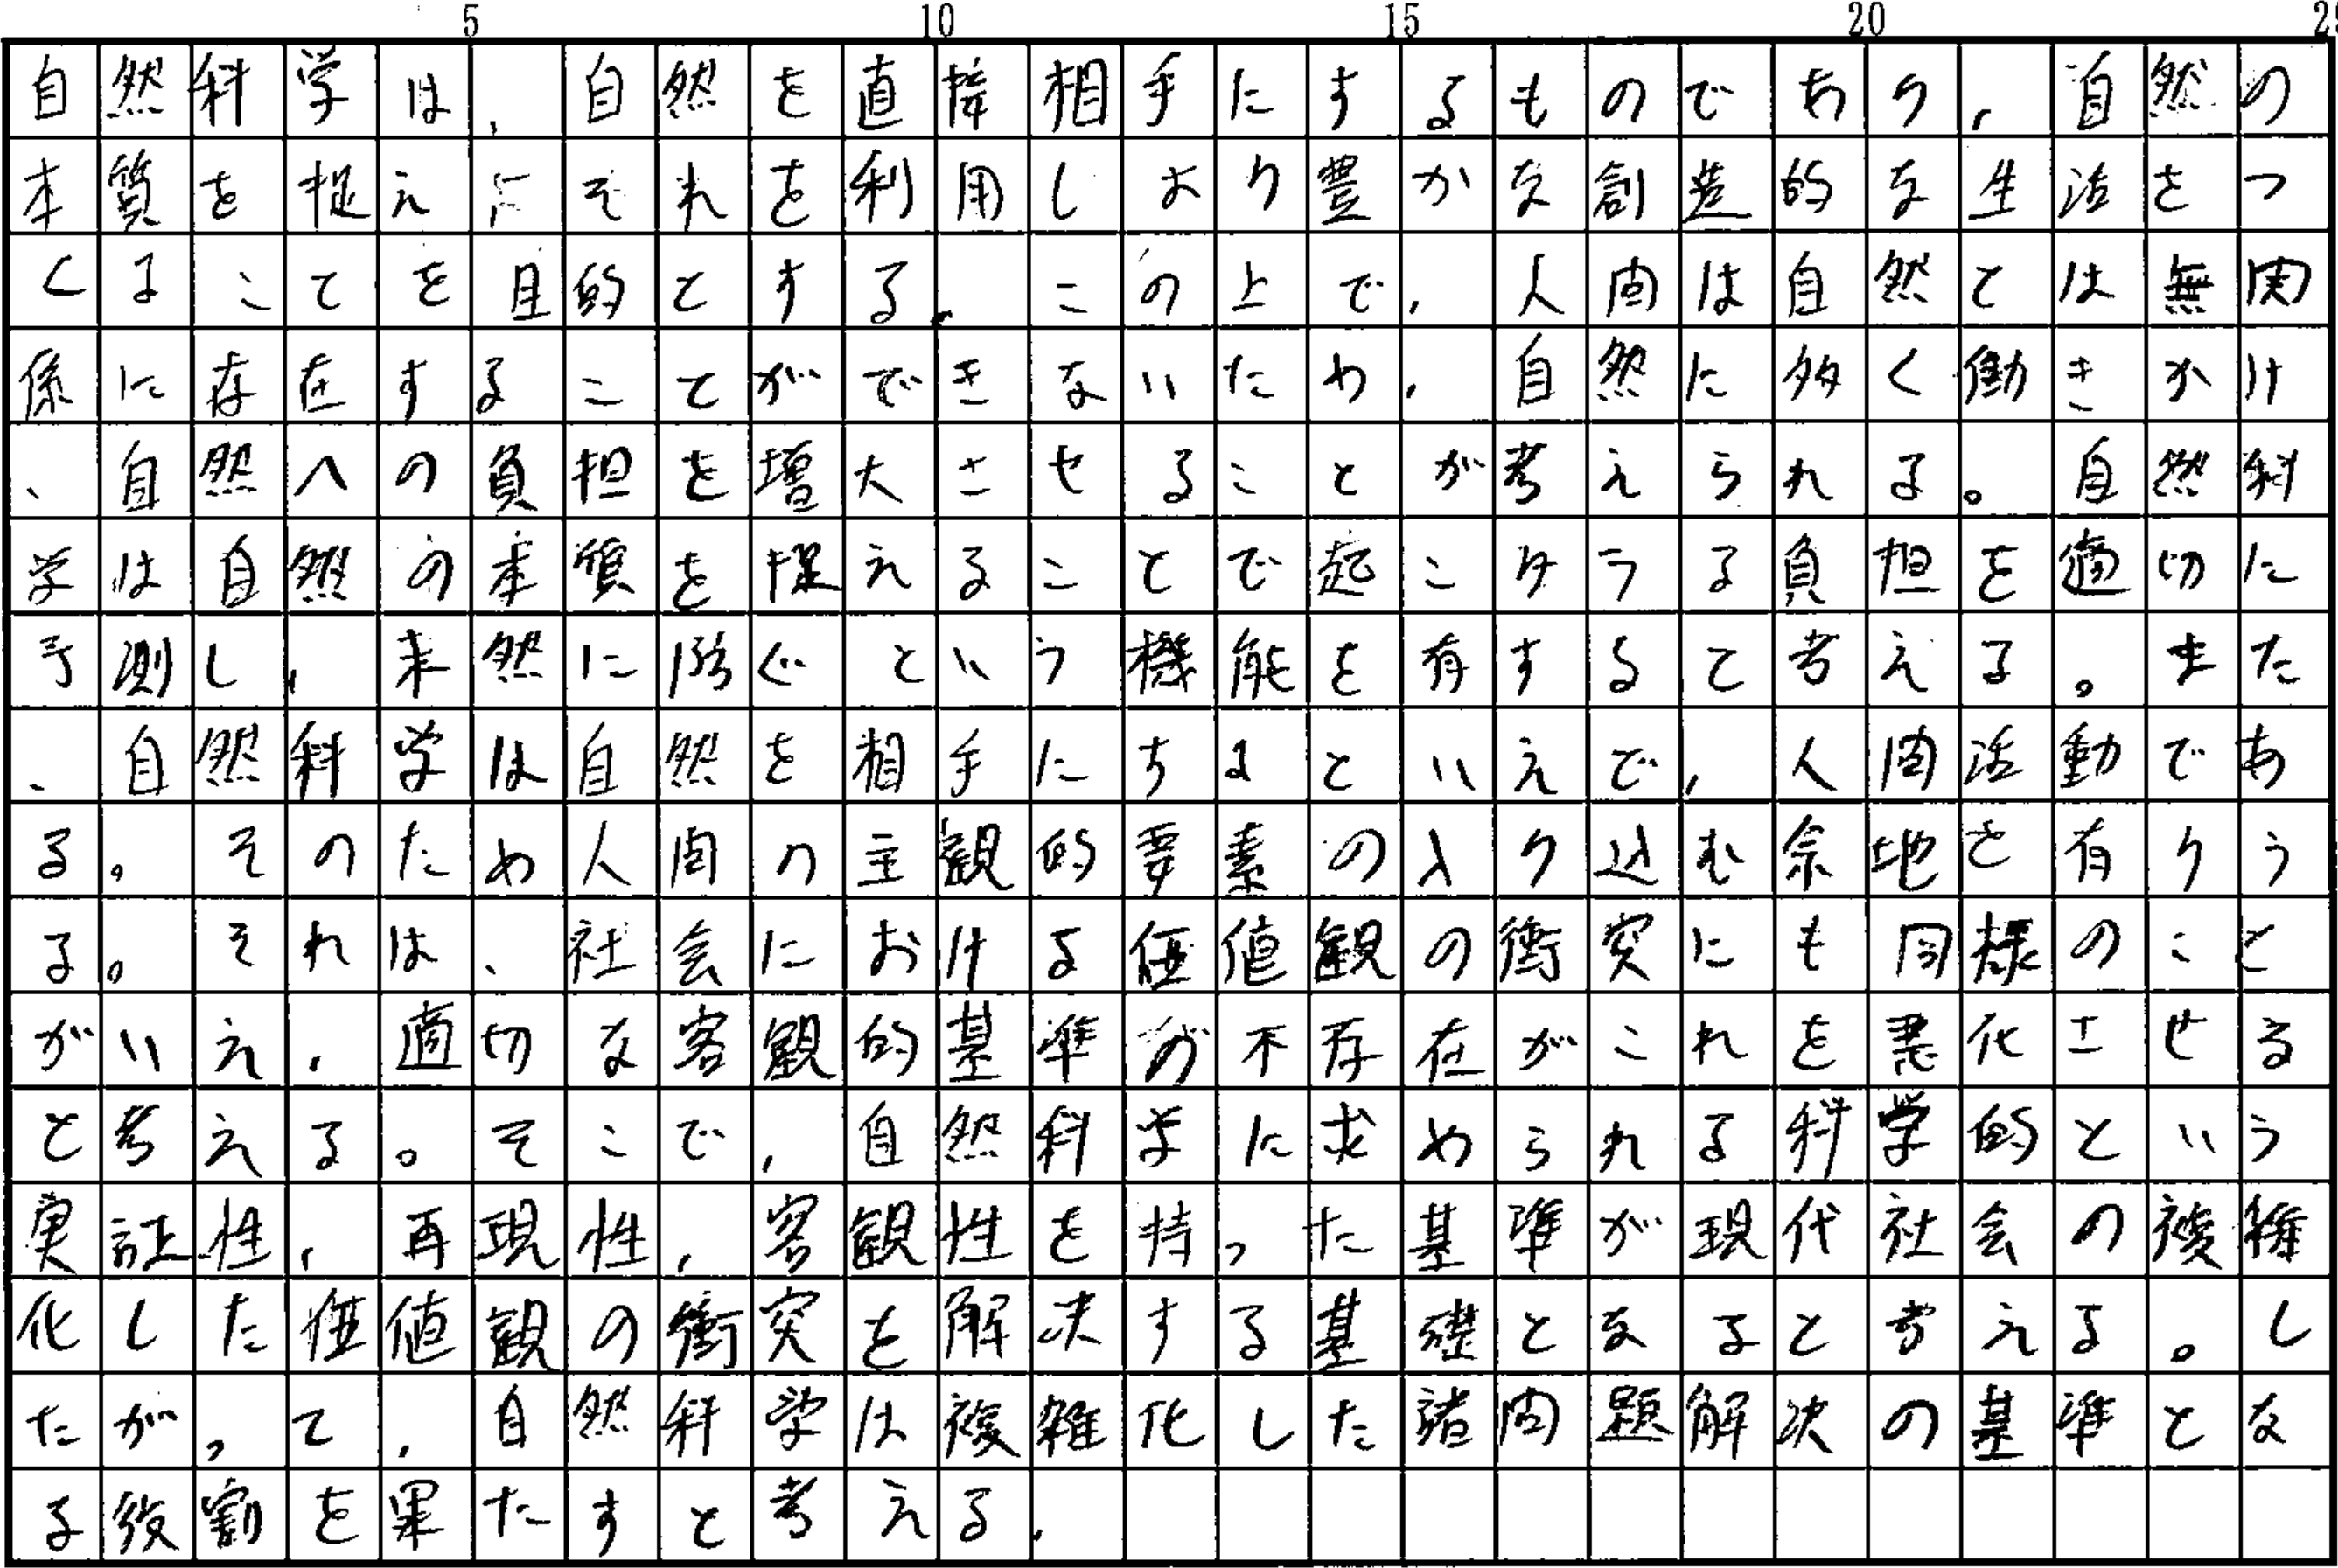自然科学は、自然を直接相手にするものであり、自然の本質を捉え、それを利用しより豊かな創造的な生活をつくることを目的とする。この上で、人間は自然とは無関係に存在することができないため、自然に多く働きかけ、自然への負担を増大させることが考えられる。自然科学は自然の本質を捉えることで起こりうる負担を適切に予測し、未然に防ぐという機能を有すると考える。また、自然科学は自然を相手にするといえど、人間活動である。そのため人間の主観的要素の入り込む余地を有りうる。それは、社会における価値観の衝突にも同様のことがいえ、適切な客観的基準の不存在がこれを悪化させると考える。そこで、自然科学に求められる科学的という実証性、再現性、客観性を持った基準が現代社会の複雑化した価値観の衝突を解決する基礎となると考える。したがって、自然科学は複雑化した諸問題解決の基準となる役割を果たすと考える。
